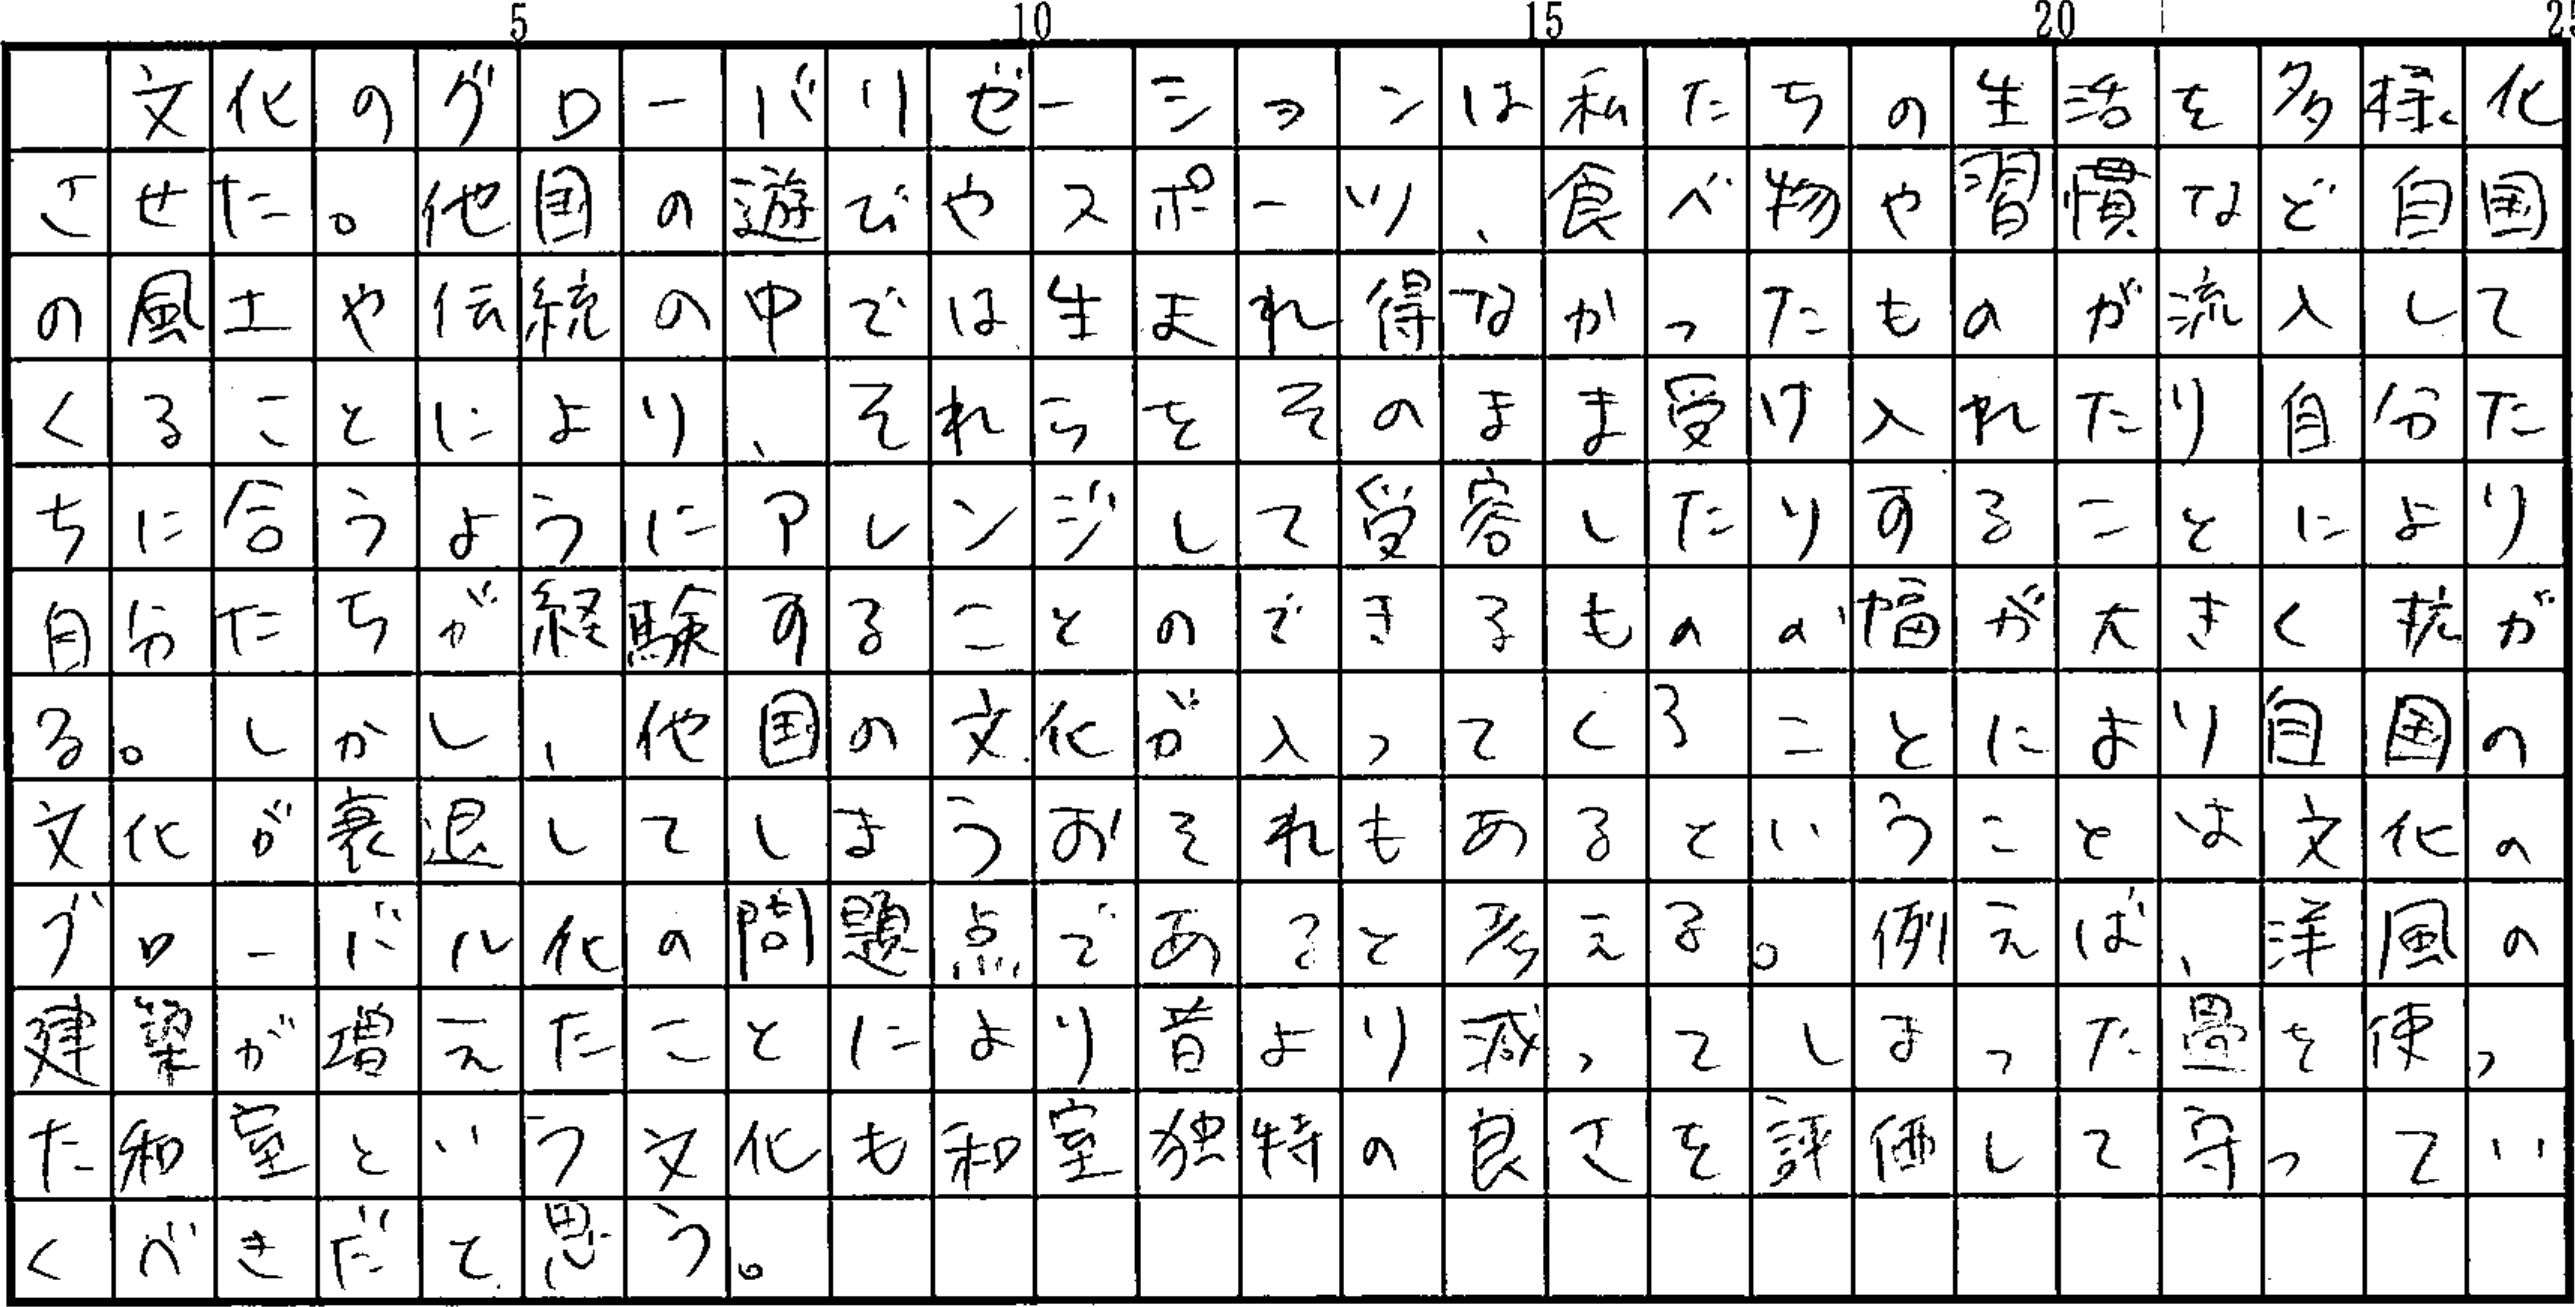　文化のグローバリゼーションは私たちの生活を多様化させた。他国の遊びやスポーツ、食べ物や習慣など自国の風土や伝統の中では生まれ得なかったものが流入してくることにより、それらをそのまま受け入れたり自分たちに合うようにアレンジして受容したりすることにより自分たちが経験することのできるものの幅が大きく拡がる。しかし、他国の文化が入ってくることにより自国の文化が衰退してしまうおそれもあるということは文化のグローバル化の問題点であると考える。例えば、洋風の建築が増えたことにより昔より減ってしまった畳を使った和室という文化も和室独特の良さを評価して守っていくべきだと思う。
